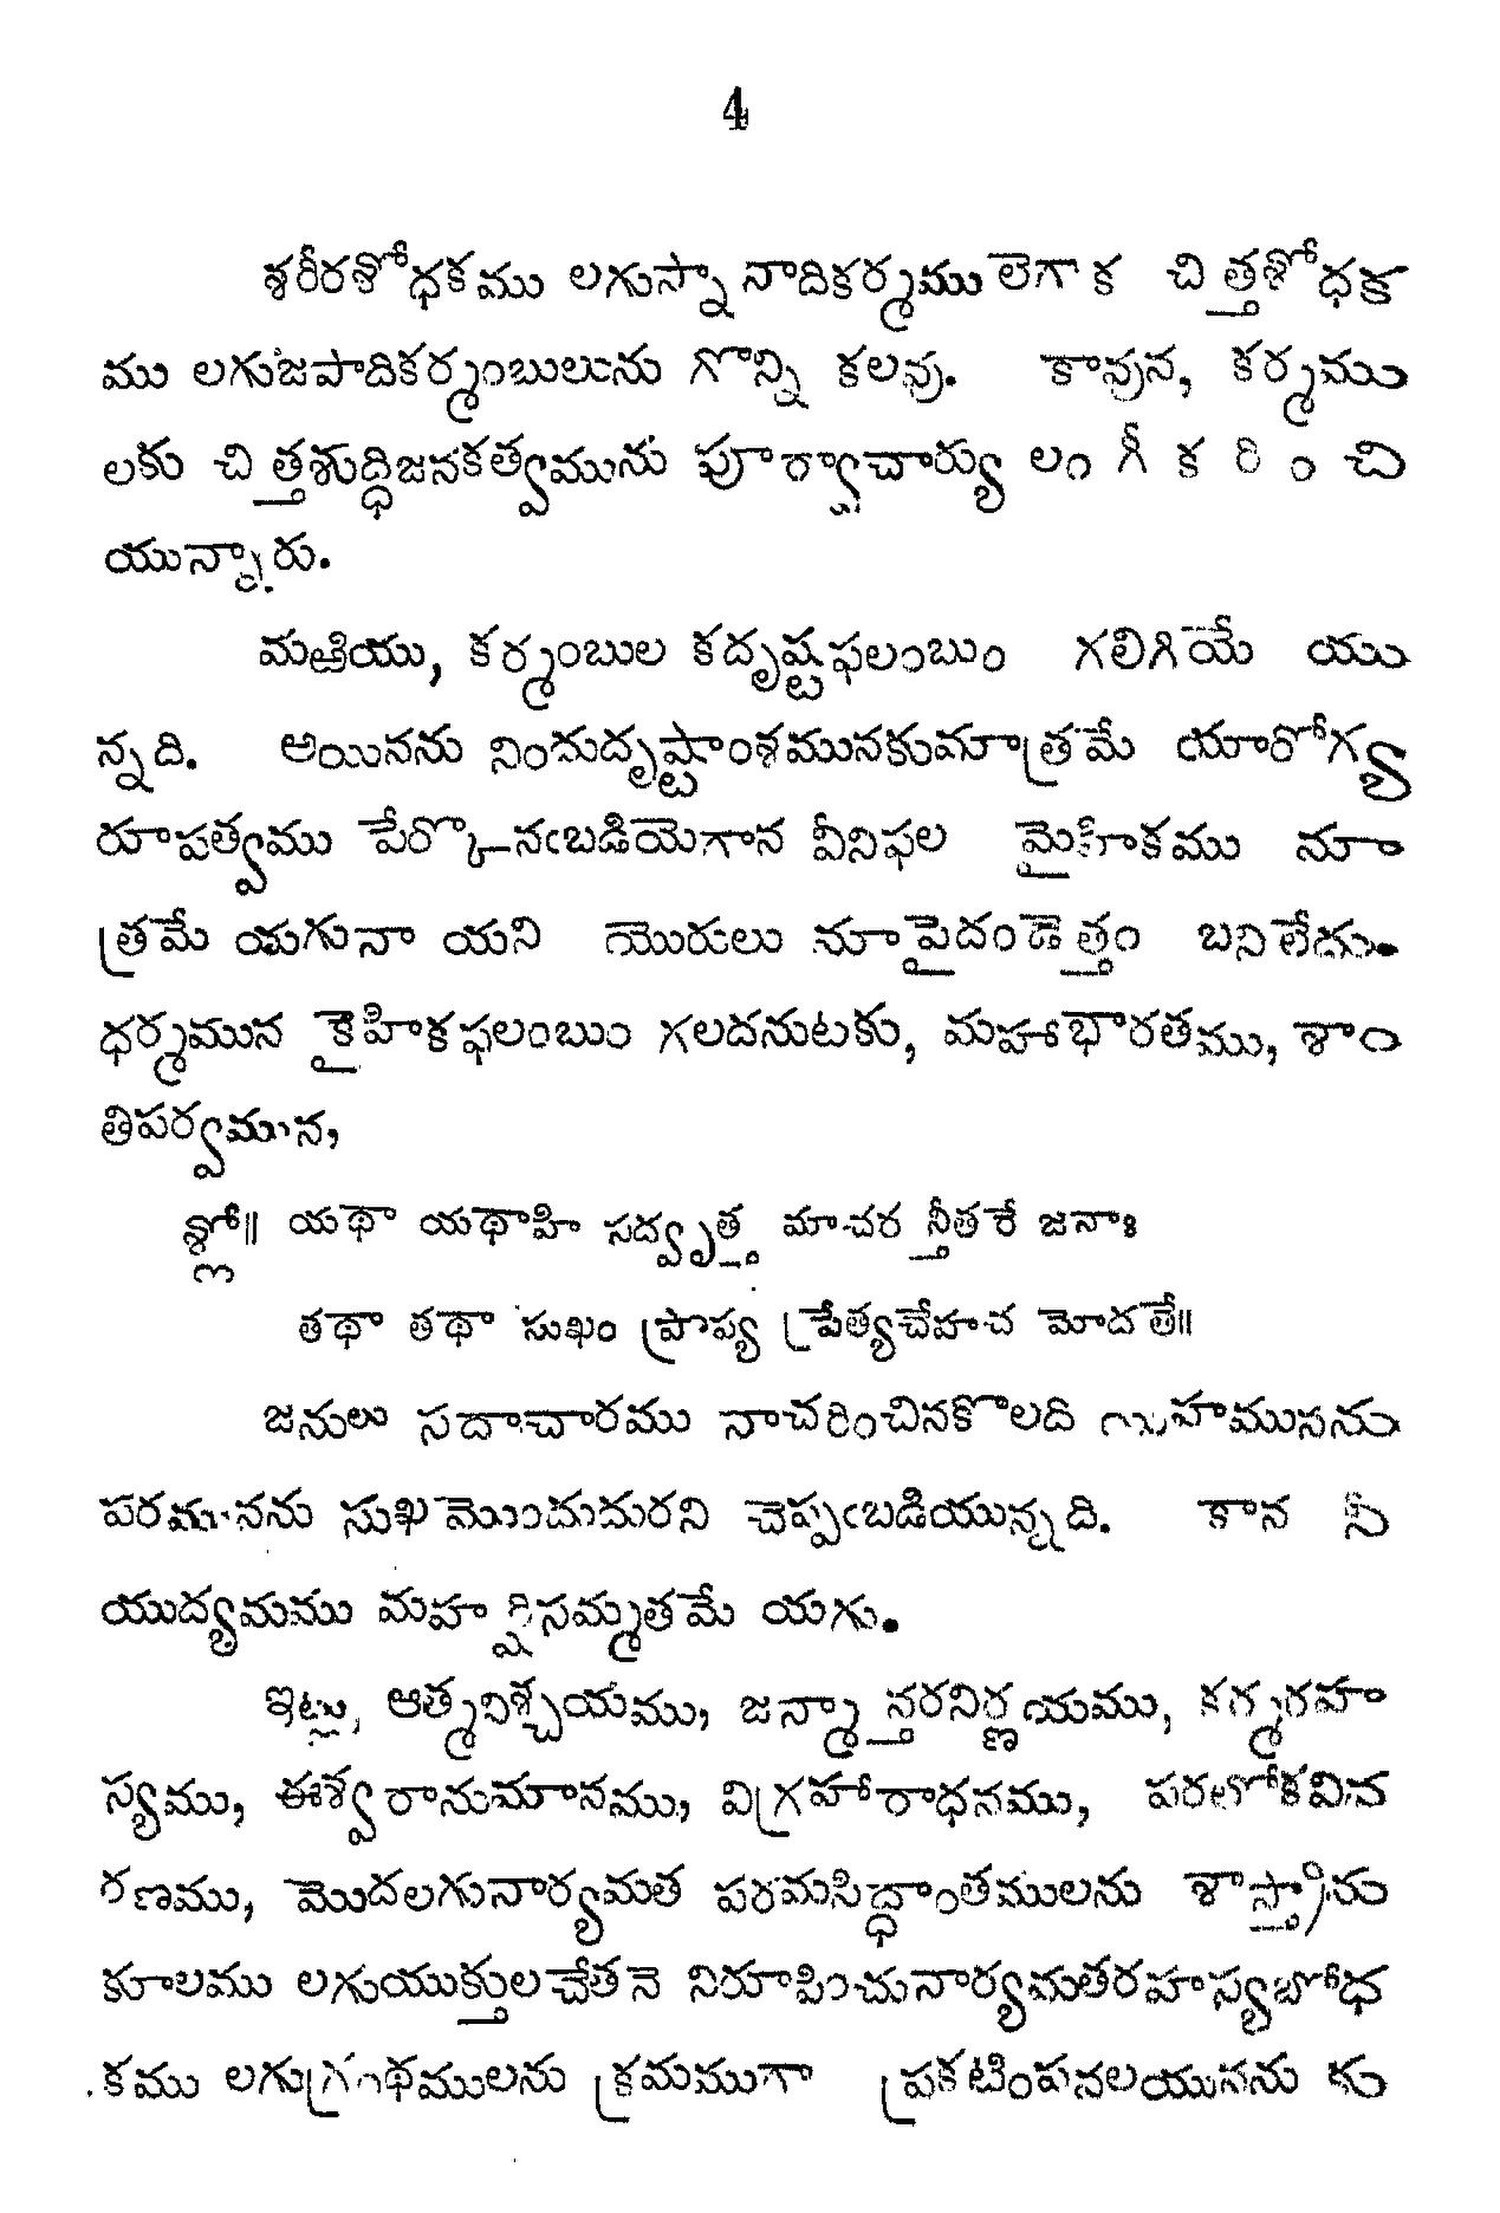శరీరశోధకము లగుస్నానాదికర్మములెగాక చిత్తశోధకము లగుజపాదికర్మంబులును గొన్ని కలవు. కావున, కర్మములకు చిత్తశుద్ధిజనకత్వమును పూర్వాచార్యు లంగీకరించి యున్నారు.

మఱియు, కర్మంబుల కదృష్టఫలంబుం గలిగియే యున్నది. అయినను నిందుదృష్టాంశమునకుమాత్రమే యారోగ్య రూపత్వము పేర్కొనఁబడియెగాన వీనిఫల మైహికము మాత్రమే యగునా యని యొరులు మాపైదండెత్తం బనిలేదు. ధర్మమున కైహికఫలంబు గలదనుటకు, మహాభారతము, శాంతిపర్వమున,

శ్లో॥ యథా యథాహి సద్వృత్త మాచరన్తీతరే జనాః
 తథా తథా సుఖం ప్రాప్య ప్రేత్యచేహచ మోదతే॥

జనులు సదాచారము నాచరించినకొలది యిహమునను పరమునను సుఖమొందుదురని చెప్పఁబడియున్నది. కాన నీ యుద్యమము మహర్షిసమ్మతమే యగు.

ఇట్లు, ఆత్మనిశ్చయము, జన్మాన్తరనిర్ణయము, కర్మరహస్యము, ఈశ్వరానుమానము, విగ్రహారాధనము, పరలోకవివరణము, మొదలగునార్యమత పరమసిద్ధాంతములను శాస్త్రానుకూలము లగుయుక్తులచేతనె నిరూపించునార్యమతరహస్యబోధకము లగుగ్రంథములను క్రమముగా ప్రకటింపవలయునను కు